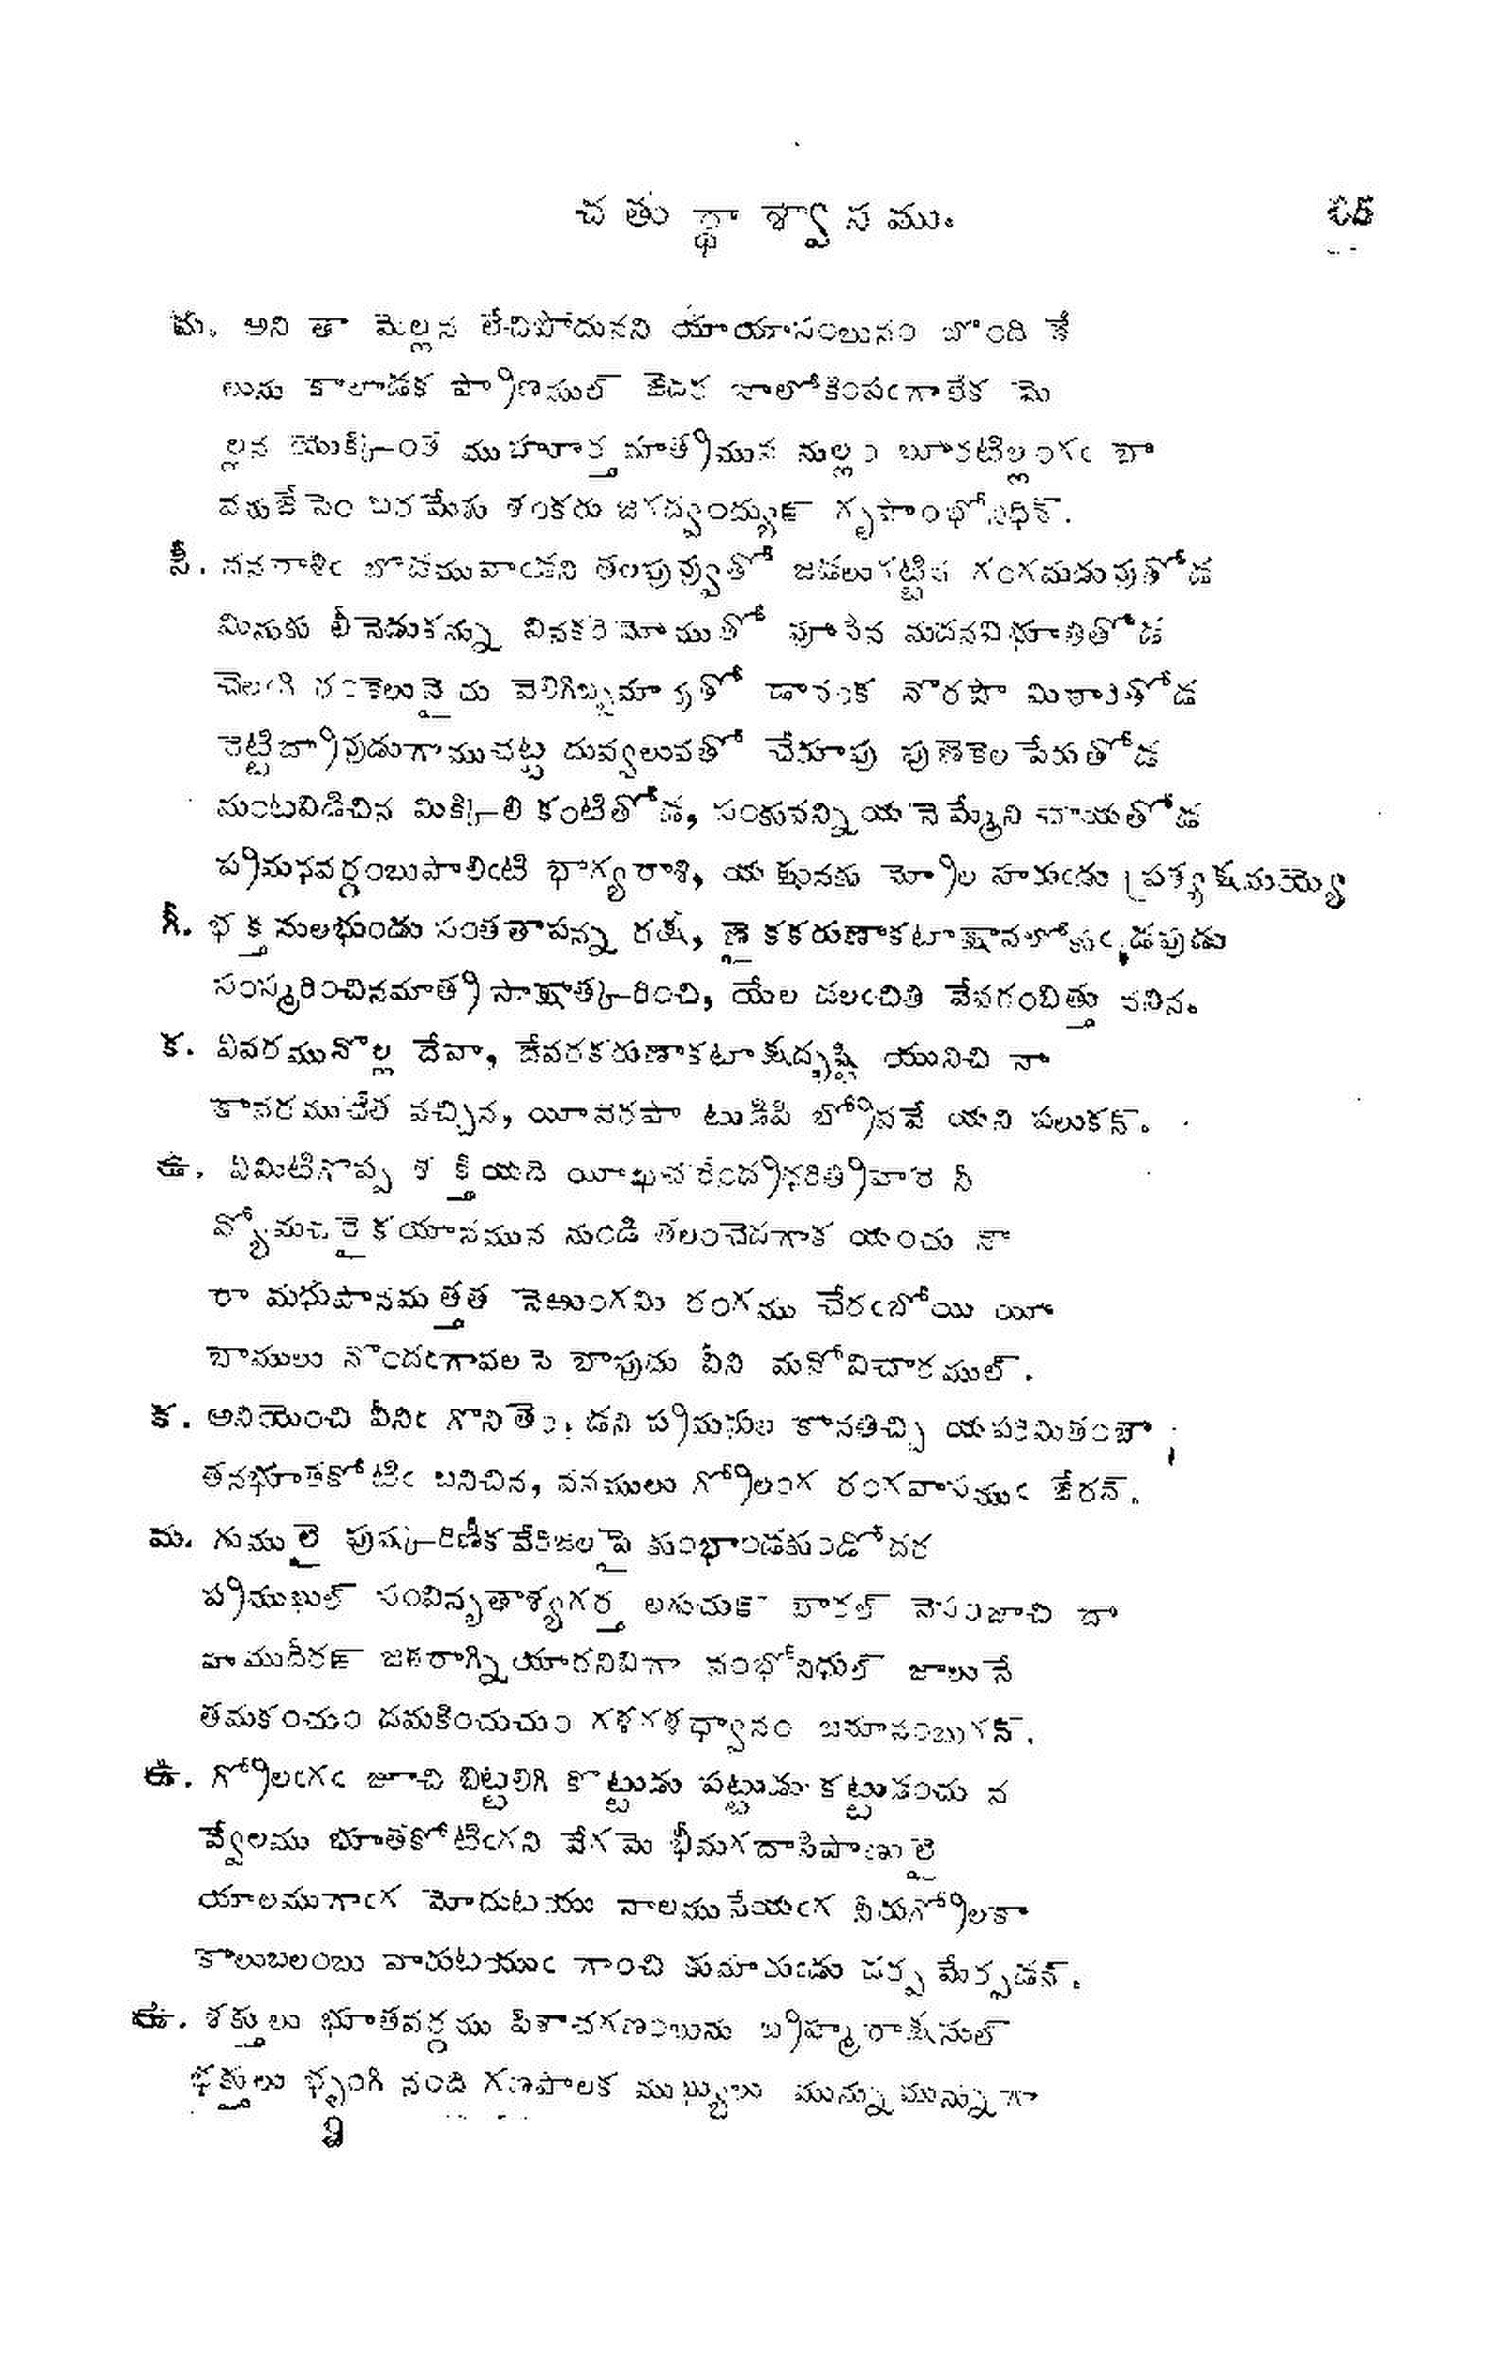మ. అని తా మెల్లన లేచిపోదునని యాయాసంబునం బొంది కే
 లును కాలాడక ప్రాణముల్ జెదర నాలోకింపఁగాలేక మె
 ల్లన యొక్కింత ముహూర్తమాత్రమున నుల్లం బూరటిల్లంగఁ బా
 వను జేసెం బరమేశు శంకరు జగద్వంద్యున్ గృపాంభోనిధిన్.
సీ. వనరాశి బొడమువాఁడని తలపువ్వుతో జడలుగట్టిన గంగమడువుతోడ
 మినుకు లీనెడుకన్ను నినకరిమోముతో పూసిన మదనవిభూతితోడ
 చెలఁగి రంకెలువైచు వెలిగిబ్బమావుతో డావంక నొరసౌ మిఠారితోడ
 వెట్టిద్రావుడుగాముచట్టదువ్వలువతో చేరూపు పుణెకెలపేరుతోడ
 మంటవిడిచిన మిక్కిలి కంటితోక, సంకువన్నియ నెమ్మేని చాయతోడ
 ప్రమథవర్గంబుపాలిఁటి భాగ్యరాశి, యక్షునకు మ్రోల హరుఁడు ప్రత్యక్షమయ్యె.
గీ. భక్తసులభుండు సంతతాపన్న రక్ష, ణైకకరుణాకటాక్షావలోకుఁ డపుడు
 సంస్మరించినమాత్ర సాక్షాత్కరించి, యేల దలఁచితి వేవరంబిత్తు ననిన.
క. వివరమునొల్ల దేవా, దేవరకరుణాకటాక్షదృష్టి యునిచి నా
 కావరముచేత వచ్చిన, యీవరపా టుడిపి బ్రోవవే యని పలుకన్.
ఉ. ఏమిటి గొప్పశక్తియది యీఖచరేంద్రధరిత్రివారె నీ
 వ్యోమచరైకయానమున నుండి తలంచెదగాక యంచు నౌ
 రా మధుపానమత్తత నెఱుంగమి రంగము చేరఁబోయి యీ
 భాములు నొందఁగావలసె బాపుదు వీని మనోవిచారముల్.
క. అని యెంచి వీనిఁ గొనితెం, డని ప్రమథుల కానతిచ్చి యపరిమితంబౌ
 తనభూతకోటిఁ బనిచిన, వనములు గ్రోలంగ రంగవాసముఁ జేరన్.
మ. గుములై పుష్కరిణీకవేరిజలపై కుంభాండకుండోదర
 ప్రముఖుల్ సంవినృతాశ్యగర్త లగుచున్ బారల్ నెపంజాచి దా
 హముదీరన్ జఠరాగ్ని యారనివిగా నంభోనిధుల్ జాలునే
 తమకంచుం దమకించుచుం గళగళధ్వానం బనూనంబుగన్.
ఉ. గ్రోలఁగఁ జూచి బిట్టలిగి కొట్టుడు పట్టుడు కట్టుడంచు న
 వ్వేలము భూతకోటిఁగని వేగమె భీమగదాసిపాణులై
 యాలముగాఁగ మోదుటయు నాలము సేయఁగ నీరుగ్రోలకా
 కాలుబలంబు వారుటయుఁ గాంచి కుమారుఁడు దర్ప మేర్పడన్.
ఉ. శక్తులు భూతవర్గము పిశాచగణంబును బ్రహ్మరాక్షసుల్
 భక్తులు భృంగి నంది గణపాలక ముఖ్యులు మున్నుమున్నుగా